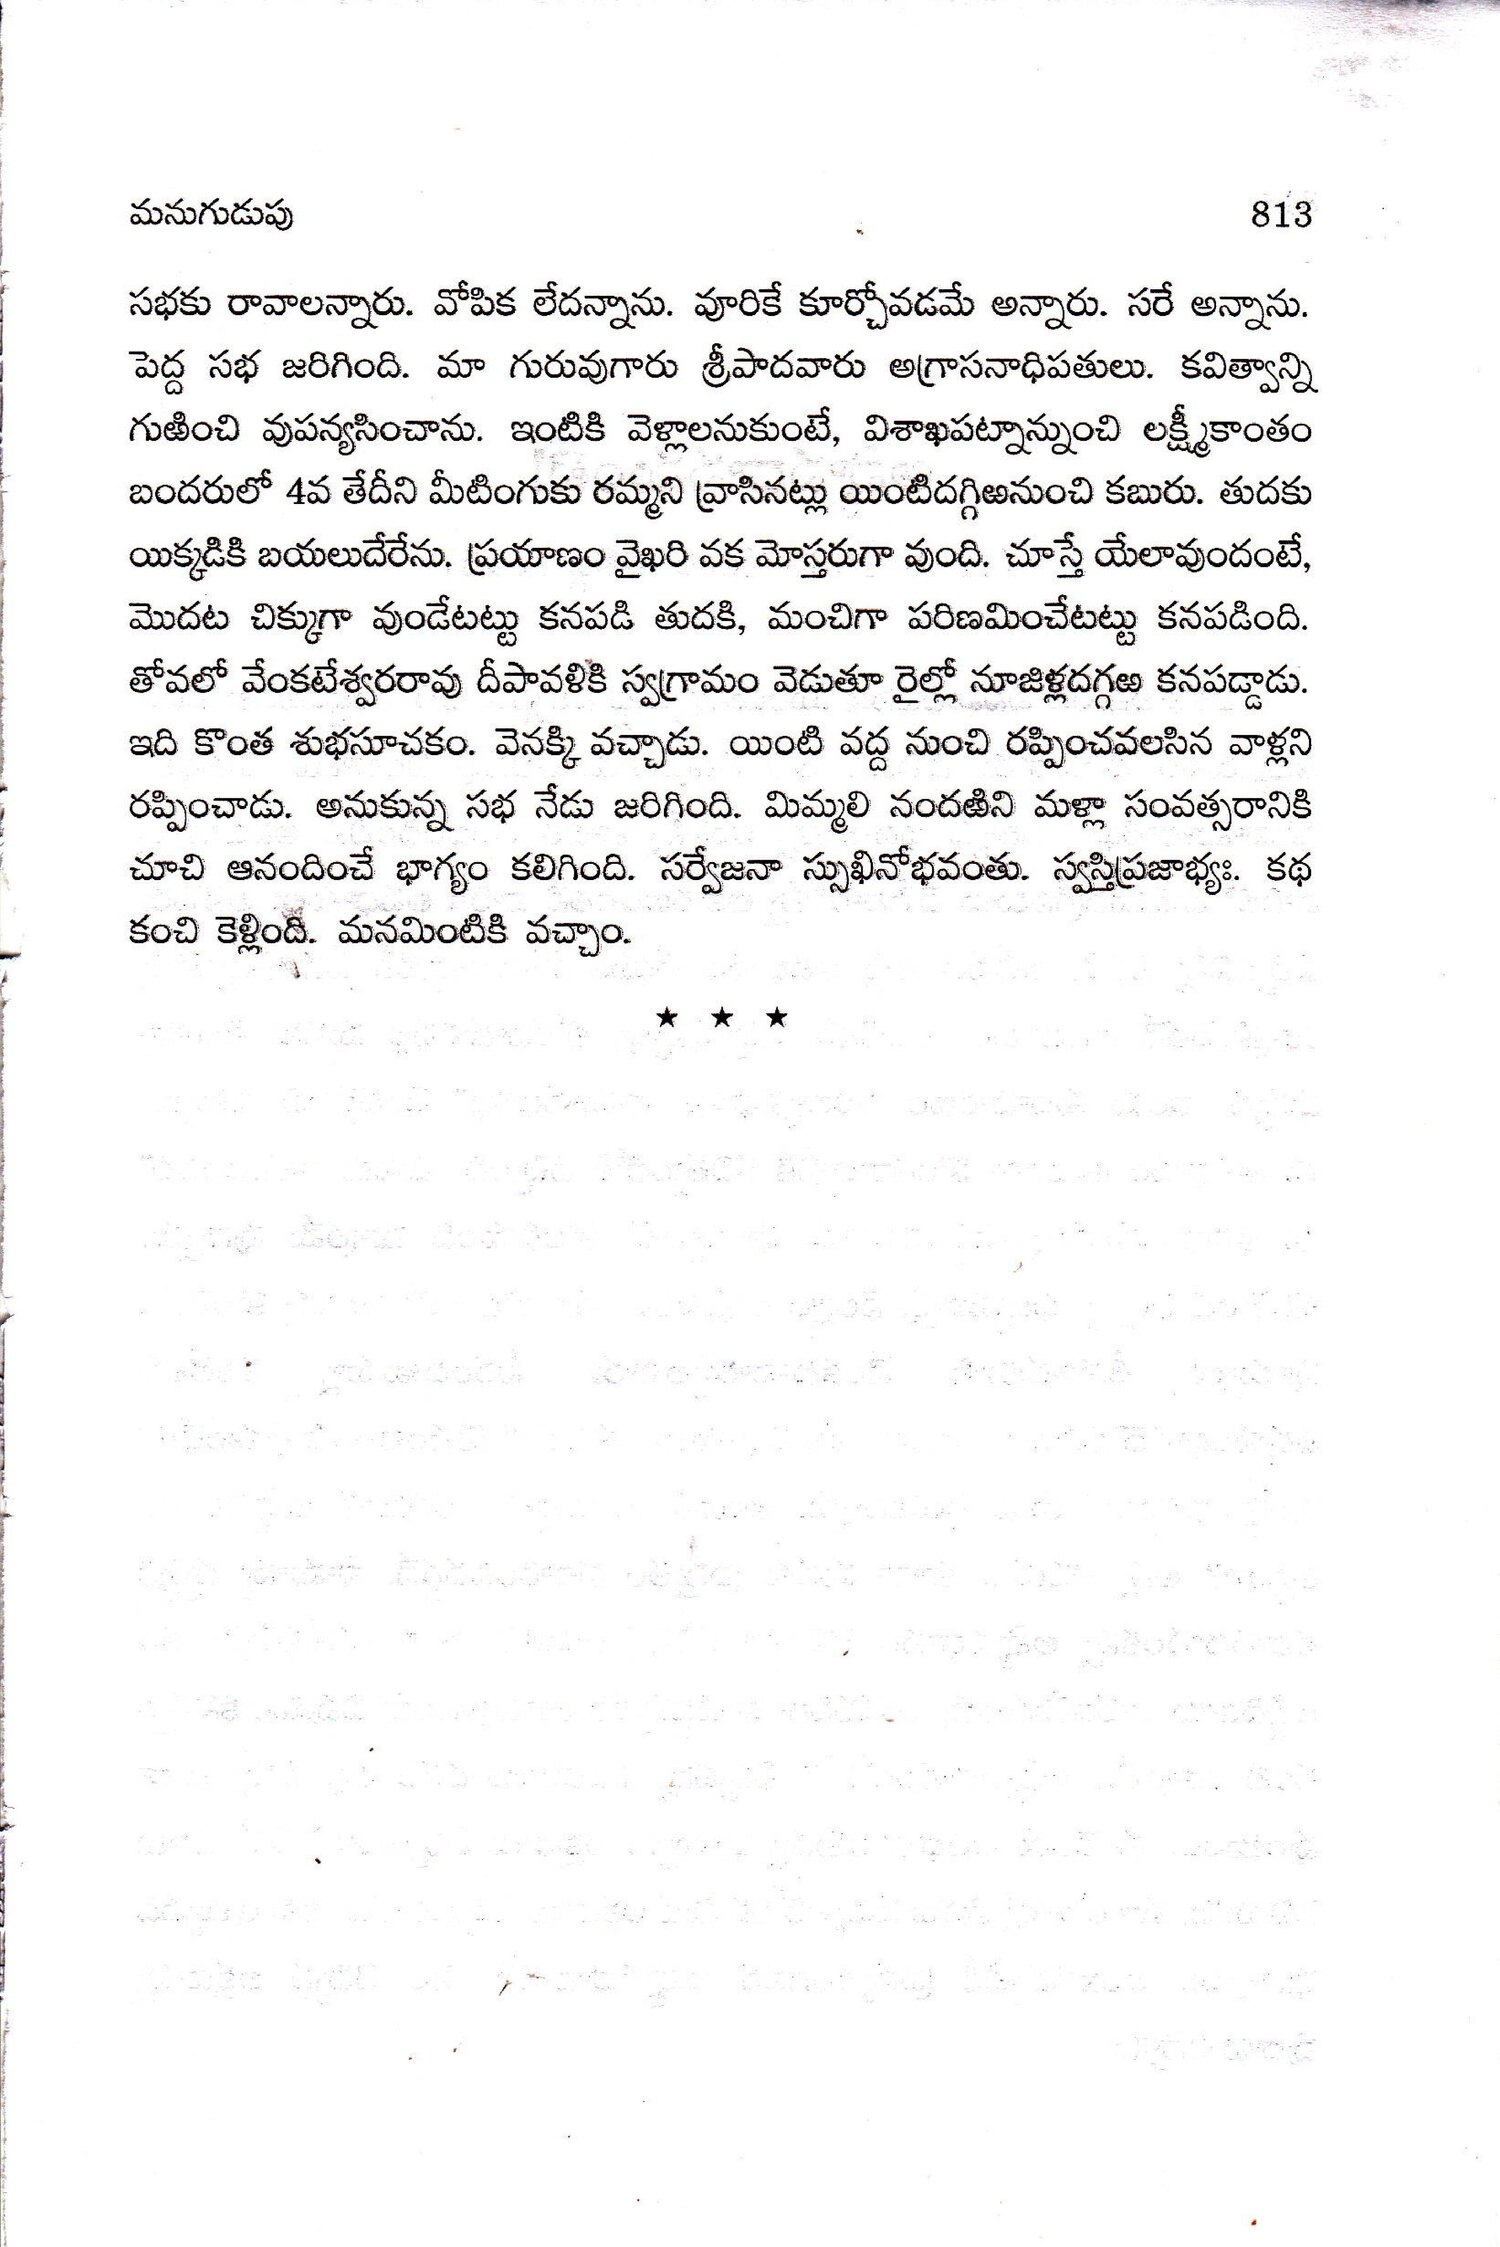సభకు రావాలన్నారు. వోపిక లేదన్నాను. వూరికే కూర్చోవడమే అన్నారు. సరే అన్నాను. పెద్ద సభ జరిగింది. మా గురువుగారు శ్రీపాదవారు అగ్రాసనాధిపతులు. కవిత్వాన్ని గుఱించి వుపన్యసించాను. ఇంటికి వెళ్లాలనుకుంటే, విశాఖపట్నాన్నుంచి లక్ష్మీకాంతం బందరులో 4వ తేదీని మీటింగుకు రమ్మని వ్రాసినట్లు యింటిదగ్గిఱనుంచి కబురు. తుదకు యిక్కడికి బయలుదేరేను. ప్రయాణం వైఖరి వక మోస్తరుగా వుంది. చూస్తే యేలావుందంటే, మొదట చిక్కుగా వుండేటట్టు కనపడి తుదకి, మంచిగా పరిణమించేటట్టు కనపడింది. తోవలో వేంకటేశ్వరరావు దీపావళికి స్వగ్రామం వెడుతూ రైల్లో నూజిళ్లదగ్గఱ కనపడ్డాడు. ఇది కొంత శుభసూచకం. వెనక్కి వచ్చాడు. యింటి వద్ద నుంచి రప్పించవలసిన వాళ్లని రప్పించాడు. అనుకున్న సభ నేడు జరిగింది. మిమ్మలి నందఱిని మళ్లా సంవత్సరానికి చూచి ఆనందించే భాగ్యం కలిగింది. సర్వేజనా స్సుఖినోభవంతు. స్వస్తిప్రజాభ్యః కథ కంచి కెళ్లింది. మనమింటికి వచ్చాం.